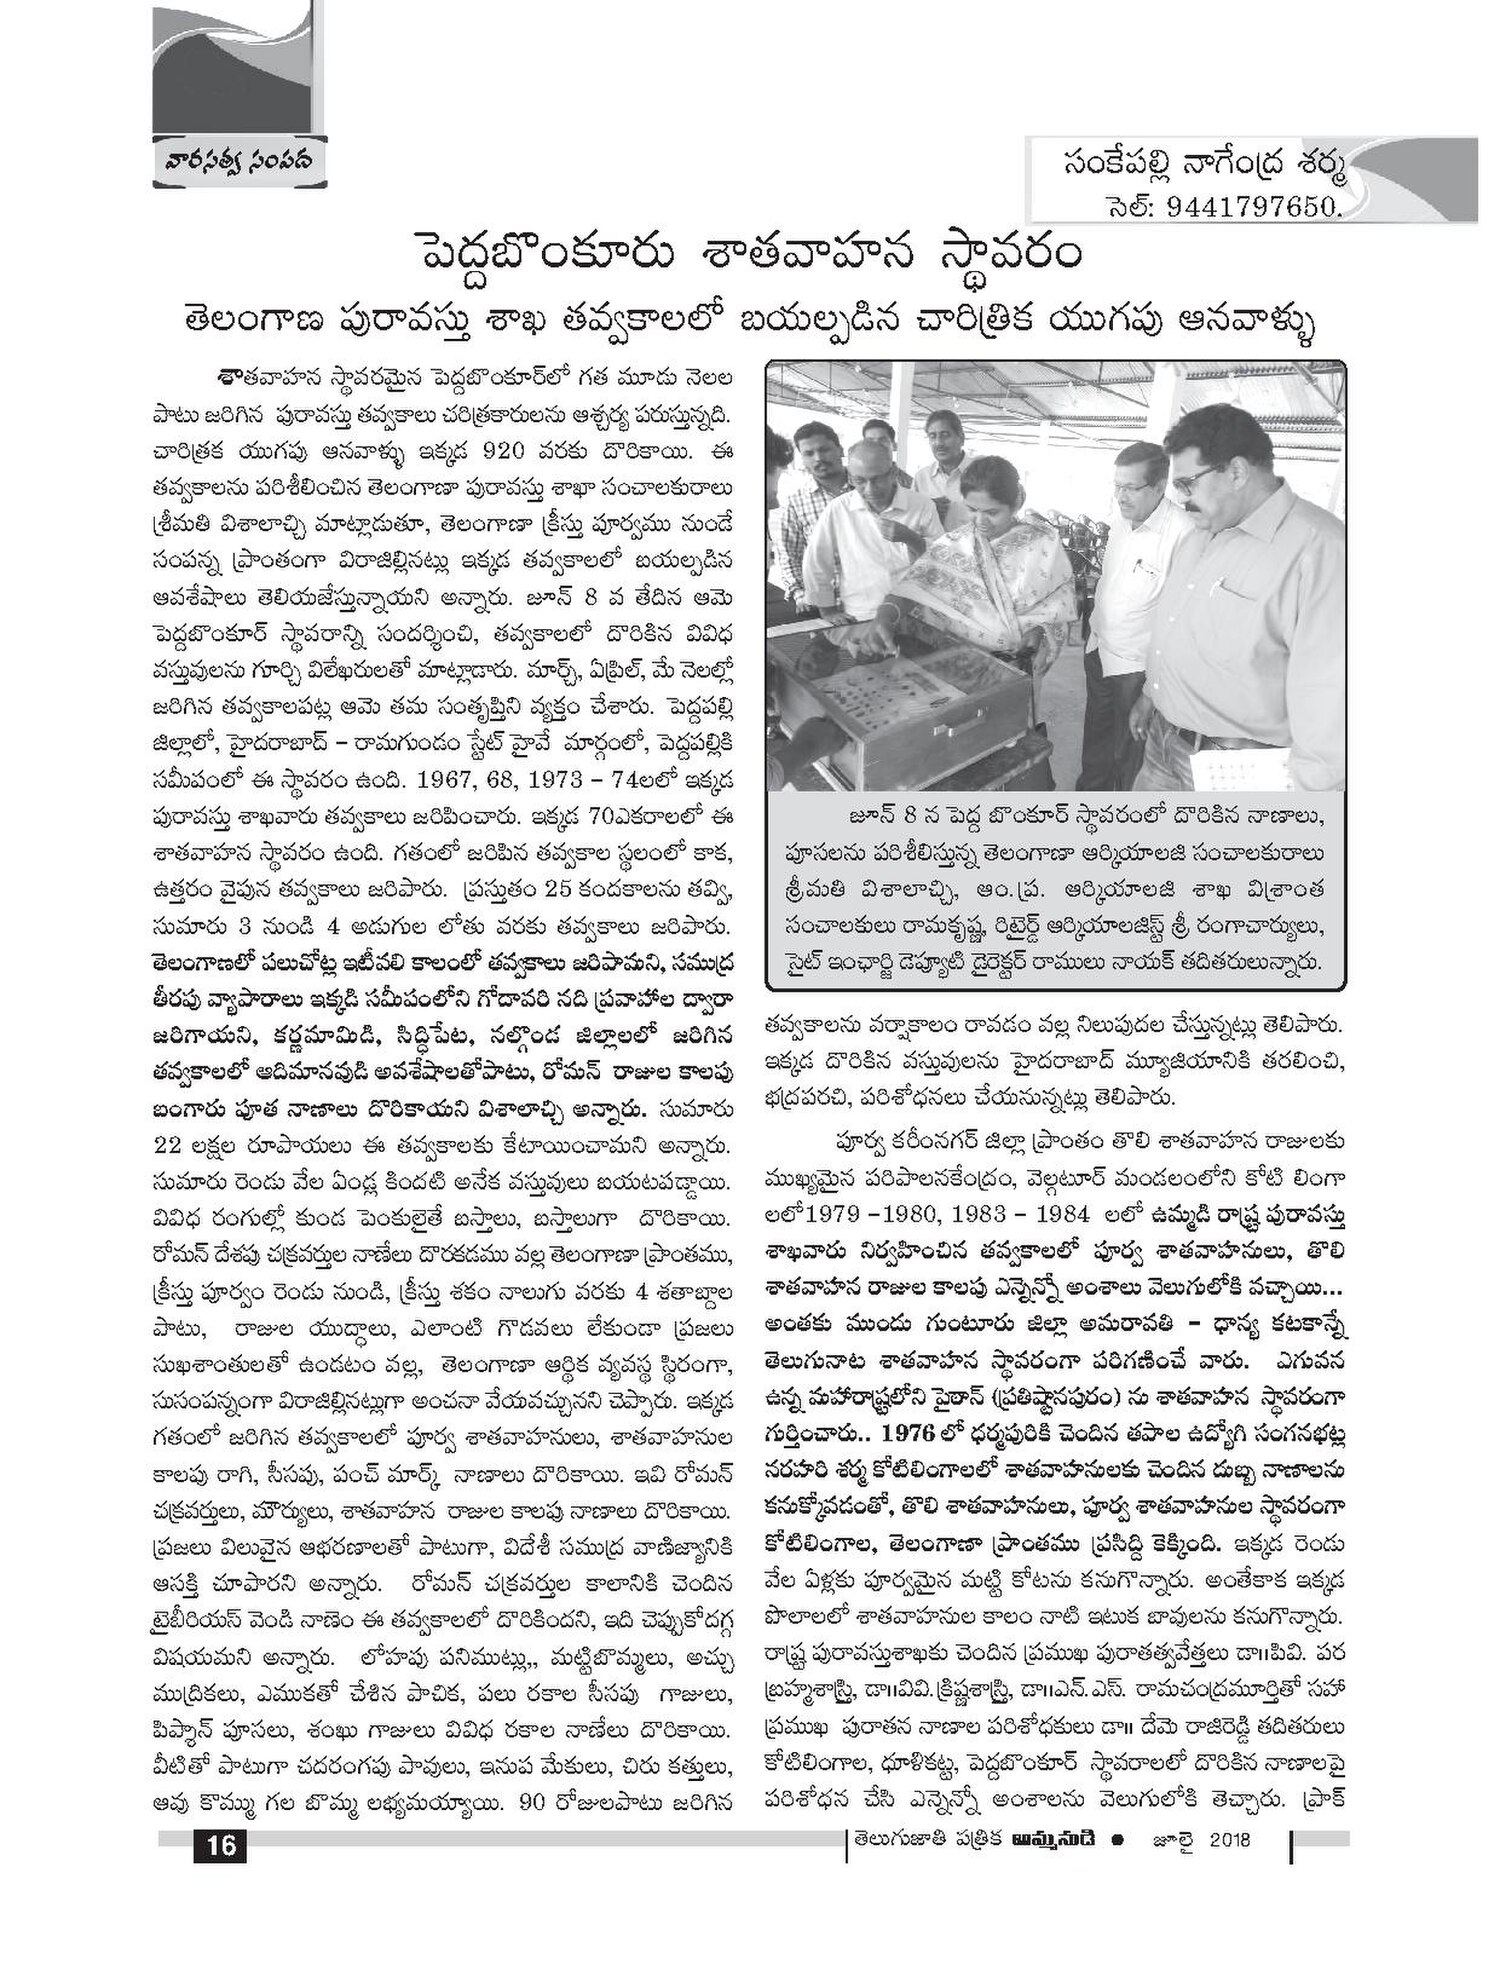పెద్దబొంకూరు శాతవాహన స్థావరం 
తెలంగాణ పురావస్తు శాఖ తవ్వకాలలో బయల్పడిన చారిత్రక యుగపు ఆనవాళ్ళు 

శాతవాహన స్థావరమైన పెద్దబొంకూర్‌లో గత మూడు నెలలపాటు జరిగిన పురావస్తు తవ్వకాలు చరిత్రకారులను ఆశ్చర్య పరుస్తుంది చారిత్రక యుగపు ఆనవాళ్ళు ఇక్కడ 920 వరకు దొరికాయి ఈ తవ్వకాలను పరిశీలించిన తెలంగాణా పురావస్తుశాఖ సంచాలకురాలు శ్రీమతి విశాలాచ్చి మాట్లాడుతూ, తెలంగాణా క్రీస్తుపూర్వం నుండే సంపన్న ప్రాంతంగా విరాజిల్లినట్లు ఇక్కడ తవ్వకాలలో బయల్పడిన ఆవశేషాలు తెలియజేస్తున్నాయని అన్నారు. జూన్ 8వ తేదీన ఆమె పెద్దబొంకూర్ స్థావరాన్ని సందర్శించి తవ్వకాలలో దొరికిన వివిధ వస్తువులను గూర్చి విలేఖరులతో మాట్లాడారు. మార్చ్, ఏప్రిల్, మే నెలల్లో జరిగిన తవ్వకాలపట్ల ఆమె తమ సంతృప్తిని వ్యక్తం చేశారు. పెద్దపల్లి జిల్లాలో, హైదరాబాద్ - రామగుండం స్టేట్ హైవే మార్గంలో, పెద్దపల్లికి సమీపంలో ఈ స్థావరం ఉంది. 1967, 68, 1973 - 74లలో ఇక్కడ పురావస్తు శాఖవారు తవ్వకాలు జరిపించారు ఇక్కడ 70 ఎకరాలలో ఈ శాతవాహన స్థావరం ఉంది. గతంలో జరిపిన తవ్వకాల స్థలంలో కాక, ఉత్తరం వైపున తవ్వకాలు జరిపారు. ప్రస్తుతం 25 కందకాలను తవ్వి, సుమారు 3 నుండి 4 అడుగుల లోతు వరకు తవ్వకాలు జరిపారు. తెలంగాణలో పలుచోట్ల ఇటీవలి కాలంలో తవ్వకాలు జరిపామని, సముద్రతీరము వ్యాపారాలు ఇక్కడి సమీపంలోని గోదావరి నది ప్రవాహాల ద్వారా జరిగాయని, కర్ణమామిడి, సిద్దిపేట, నల్గొండ జిల్లాలలో జరిగిన తవ్వకాలలో ఆదిమానవుడి అవశేషాలతోపాటు, రోమన్ రాజుల కాలపు బంగారు పూత నాణాలు దొరికాయని విశాలాచ్చి అన్నారు. సుమారు 22 లక్షల రూపాయలు ఈ తవ్వకాలకు కేటాయించామని అన్నారు. సుమారు రెండు వేల ఏండ్ల కిందటి అనేక వస్తువులు బయటపడ్డాయి. వివిధ రంగుల్లో కుండ పెంకులైతే బస్తాలు బస్తాలుగా దొరికాయి. రోమన్ దేశపు చక్రవర్తుల నాణేలు దొరకడం వల్ల తెలంగాణా ప్రాంతము, క్రీస్తు పూర్వం రెండు నుండి, క్రీస్తు శకం నాలుగు వరకు 4 శతాబ్దాల పాటు, రాజుల యుద్ధాలు, ఎలాంటి గొడవలు లేకుండా ప్రజలు సుఖశాంతులతో ఉండటం వల్ల, తెలంగాణా ఆర్థిక వ్యవస్థ స్థిరంగా, సుసంపన్నంగా విరాజిల్లినట్లుగా అంచనా వేయవచ్చునని చెప్పారు. ఇక్కడ గతంలో జరిగిన తవ్వకాలలో పూర్వ శాతవాహనులు, శాతవాహనుల కాలపు రాగి, సీసపు, పంచ్ మార్క్ నాణాలు దొరికాయి. ఇవి రోమన్ చక్రవర్తులు, మౌర్యులు, శాతవాహన రాజుల కాలపు నాణాలు దొరికాయి. ప్రజలు విలువైన ఆభరణాలతో పాటుగా, విదేశీ సముద్ర వాణిజ్యానికి ఆసక్తి చూపారని అన్నారు. రోమన్ చక్రవర్తుల కాలానికి చెందిన టైబీరియన్ వెండి నాణెం ఈ తవ్వకాలలో దొరికిందని, ఇది చెప్పుకోదగ్గ విషయమని అన్నారు. లోహపు పనిముట్లు, మట్టిబొమ్మలు, అచ్చు ముద్రికలు, ఎముకతో చేశిన పాచిక, పలు రకాల సీసపు గాజులు, పిప్శాన్ పూసలు, శంఖు గాజులు వివిధ రకాల నాణేలు దొరికాయి. వీటితో పాటుగా చదరంగపు పావులు, ఇనుప మేకులు, చిరు కత్తులు, ఆవు కొమ్ము గల బొమ్మ లభ్యమయ్యాయి. 90 రోజులపాటు జరిగిన తవ్వకాలను వర్షాకాలం రావడం వల్ల నిలుపుదల చేస్తున్నట్లు తెలిపారు. ఇక్కడ దొరికిన వస్తువులను హైదరాబాద్ మ్యూజియానికి తరలించి, భద్రపరిచి, పరిశోధనలు చేయనున్నట్లు తెలిపారు. 

పూర్వ కరీంనగర్ జిల్లా ప్రాంతం తొలి శాతవాహన రాజులకు ముఖ్యమైన పరిపాలనకేంద్రం, వెల్గటూర్ మండలంలోని కోటి లింగాలలో 1979 - 1980, 1983 - 1984 లలో ఉమ్మడి రాష్ట్ర పురావస్తు శాఖవారు నిర్వహించిన తవ్వకాలలో పూర్వ శాతవాహనులు, తొలి శాతవాహన రాజుల కాలపు ఎన్నెన్నో అంశాలు వెలుగులోకి వచ్చాయి. అంతకు ముందు గుంటూరు జిల్లా అమరావతి - ధాన్య కటకాన్నే తెలుగునాట శాతవాహన స్థావరంగా పరిగణించే వారు. ఎగువన ఉన్న మహారాష్ట్రలోని పైఠాన్ (ప్రతిష్టానపురం) ను శాతవాహన స్థావరంగా గుర్తించారు. 1976లో ధర్మపురికి చెందిన తపాల ఉద్యోగి సంగనభట్ల నరహరి శర్మ కోటిలింగాలలో శాతవాహనులకు చెందిన దుబ్బ నాణాలను కనుక్కోవడంతో, తొలి శాతవాహనులు, పూర్వ శాతవాహనుల స్థావరంగా కోటిలింగాల తెలంగాణా ప్రాంతము ప్రసిద్ధి కెక్కింది. ఇక్కడ రెండు వేల ఏళ్లకు పూర్వమైన మట్టి కోటను కనుగొన్నారు అంతేకాక ఇక్కడ పొలాలలో శాతవాహనుల కాలం నాటి ఇటుక బావులను కనుగొన్నారు రాష్ట్ర పురావస్తుశాఖకు చెందిన ప్రముఖ పురాతత్వవేత్తలు డా॥ పి .వి. పరబ్రహ్మశాస్త్రి, డా॥వి. వి. క్రిష్ణశాస్త్రి , డా॥ఎన్. ఎస్. రామచంద్రమూర్తితో సహా ప్రముఖ పురాతన నాణాల పరిశోధకులు డా॥దేమె రాజిరెడ్డి తదితరులు కోటిలింగాల, ధూళికట్ట, పెద్దబొంకూర్ స్థావరాలలో దొరికిన నాణాలపై పరిశోధన చేసి ఎన్నెన్నో అంశాలను వెలుగులోకి తెచ్చారు. ప్రాక్